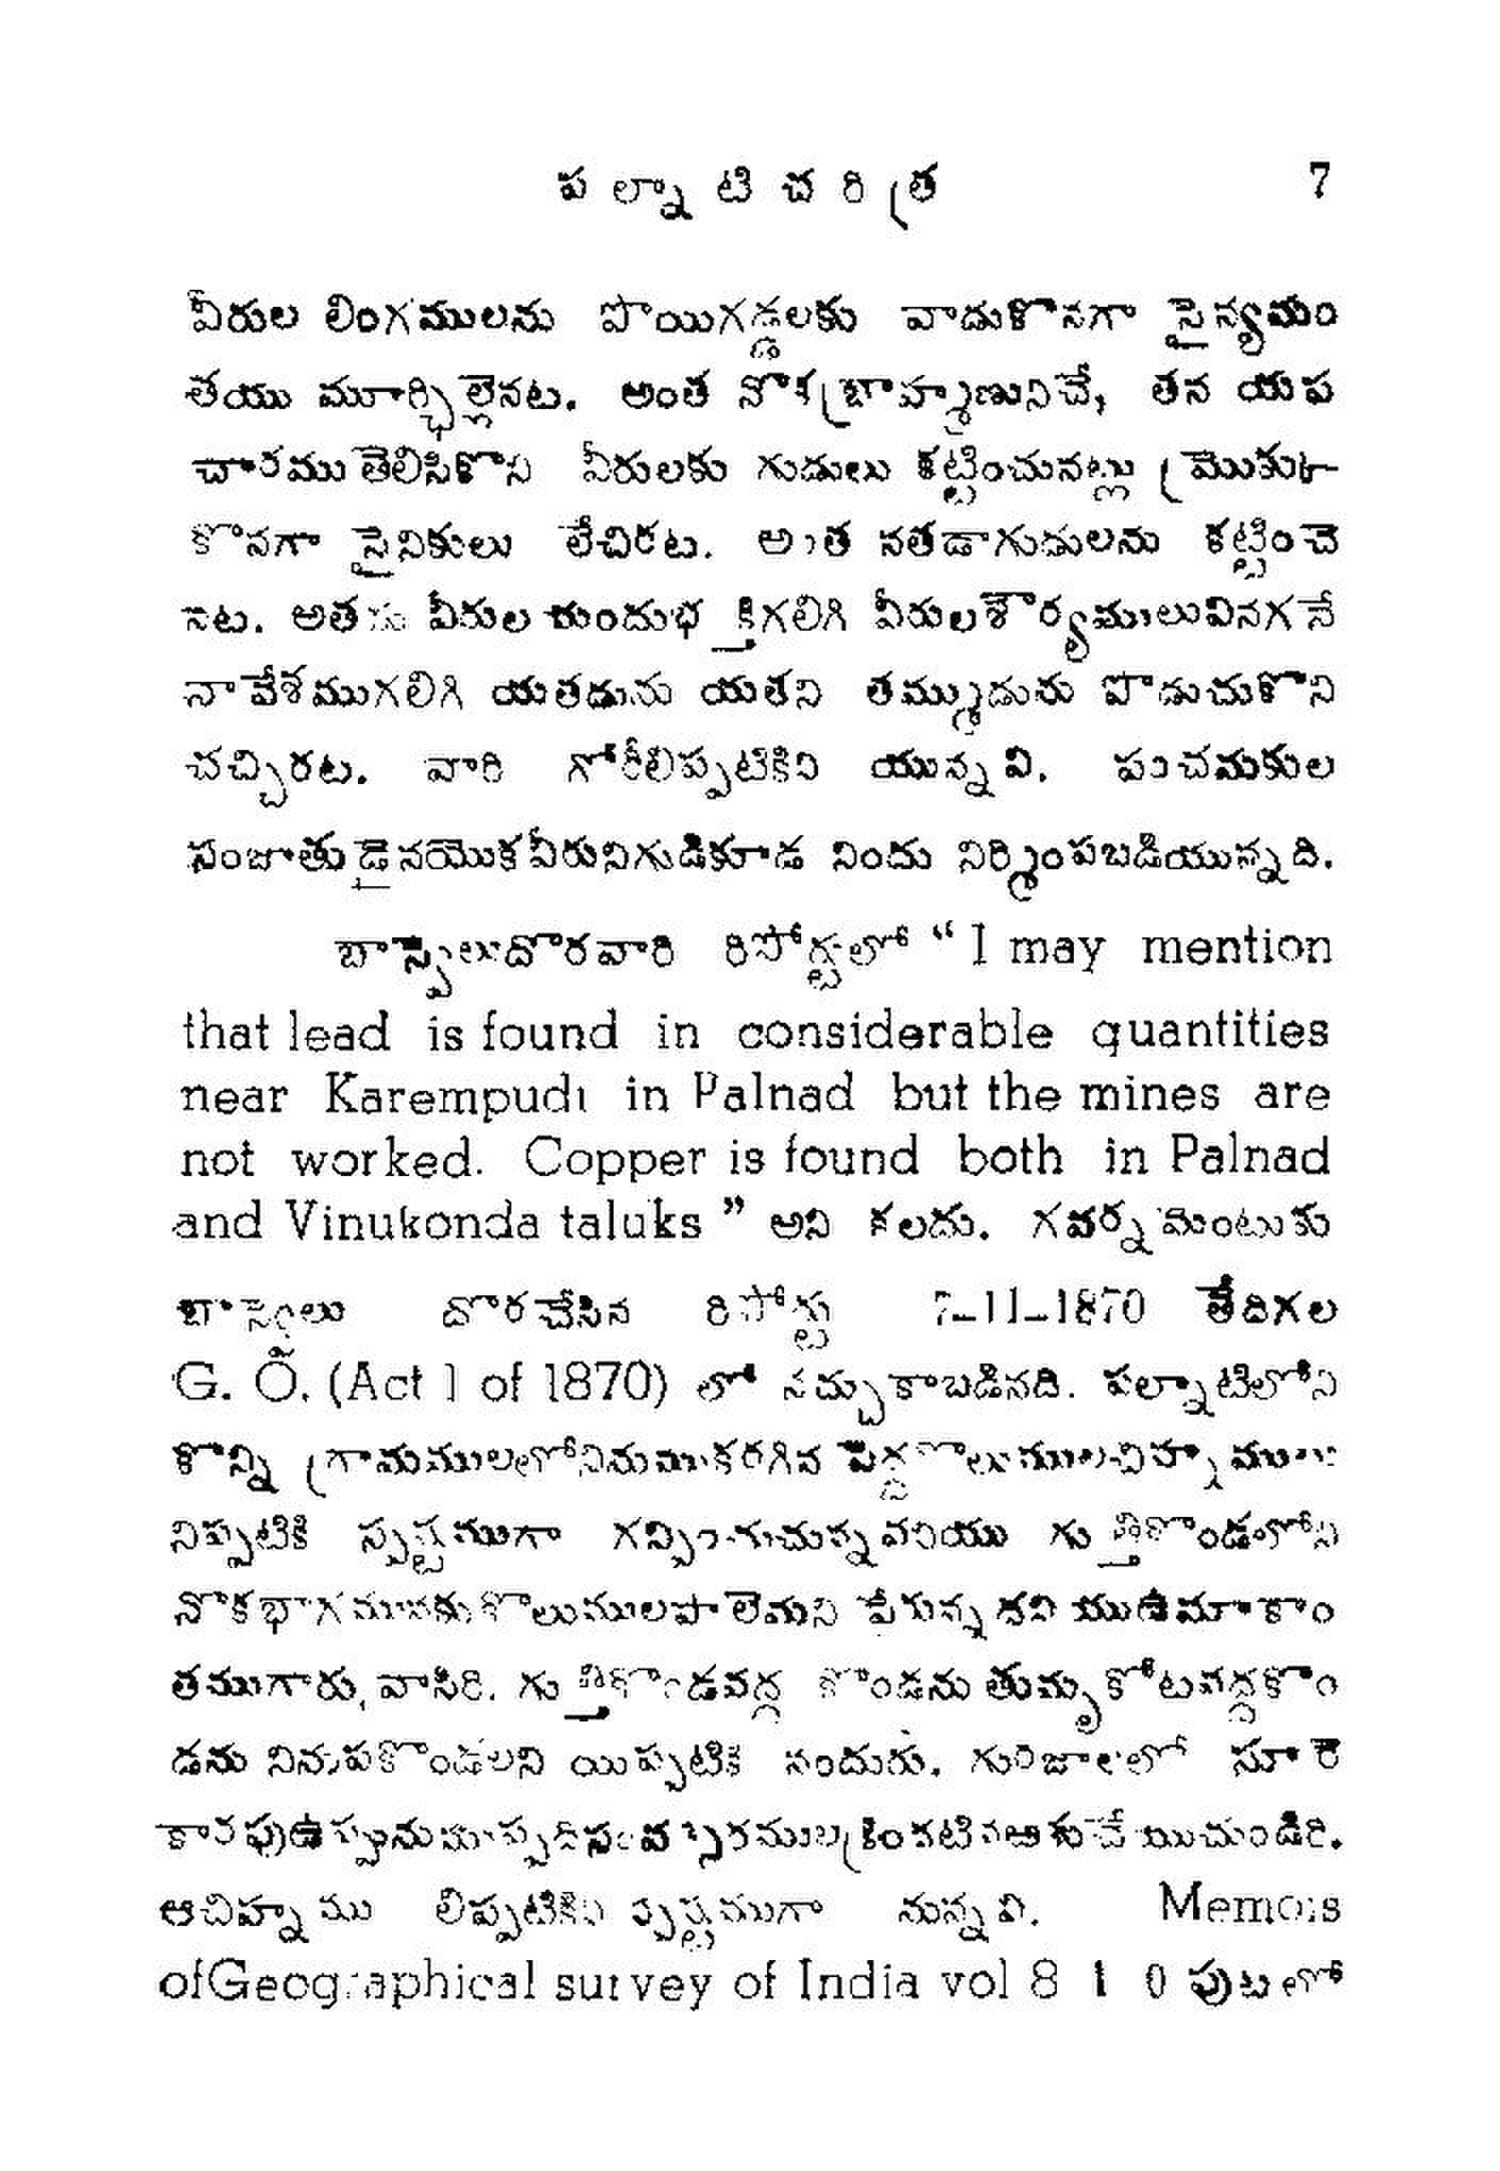వీరుల లింగములను పొయిగడ్డలకు వాడుకొనగా సైన్యమంతయు 
మూర్ఛిల్లెనట. అంత నొకబ్రాహ్మణునిచే, తన యపచారము 
తెలిసికొని వీరులకు గుడులు కట్టించునట్లు మ్రొక్కు
కొనగా సైనికులు లేచిరట. అంత నతడాగుడులను కట్టించె
నెట. అతడు వీరుల యందుభక్తిగలిగి వీరుల శౌర్యములు వినగనే
నావేశముగలిగి యతడును యతని తమ్ముడును పొడుచుకొని
చచ్చిరట. వారి గోరీలిప్పటికిని యున్నవి. పంచమకుల
సంజాతుడైనయొక వీరునిగుడికూడ నిందు నిర్మింపబడియున్నది.

బాస్వెలు దొరవారి రిపోర్టులో “I may mention
that lead is found in considerable quantities
near Karempudi in Palnad but the mines are
not worked. Copper is found both in Palnad
and Vinukonda taluks " అని కలదు. గవర్నమెంటుకు
దొరచేసిన రిపోర్టు 7-11_1870 తేదిగల G. O. (Act 1 of 1870) లో 
నచ్చుకాబడినది. పల్నాటిలోని కొన్ని గ్రామములలో నినుము కరిగిన 
పెద్ద కొలుముల చిహ్నములు నిప్పటికి స్పష్టముగా గన్పించుచున్నవనియు 
మరియు గుత్తికొండలోని నొకభాగమునకు కొలుములపాలెమని పేరున్నదనియు
ఉమాకాంతముగారు వాసిరి. గుత్తికొండవద్ద కొండను తుమృకోటవద్దకొండను 
నినుపకొండలని యిప్పటికి నందురు. గురిజాలలో సూరెకారపుఉప్పును 
ముప్పదిసంవత్సరముల క్రిందటి వఱకు చేయుచుండిరి.
ఆచిహ్నము లిప్పటికిని స్పష్టముగా నున్నవి.Memos
of Geographical survey of India vol 8 1 0 పుటలో